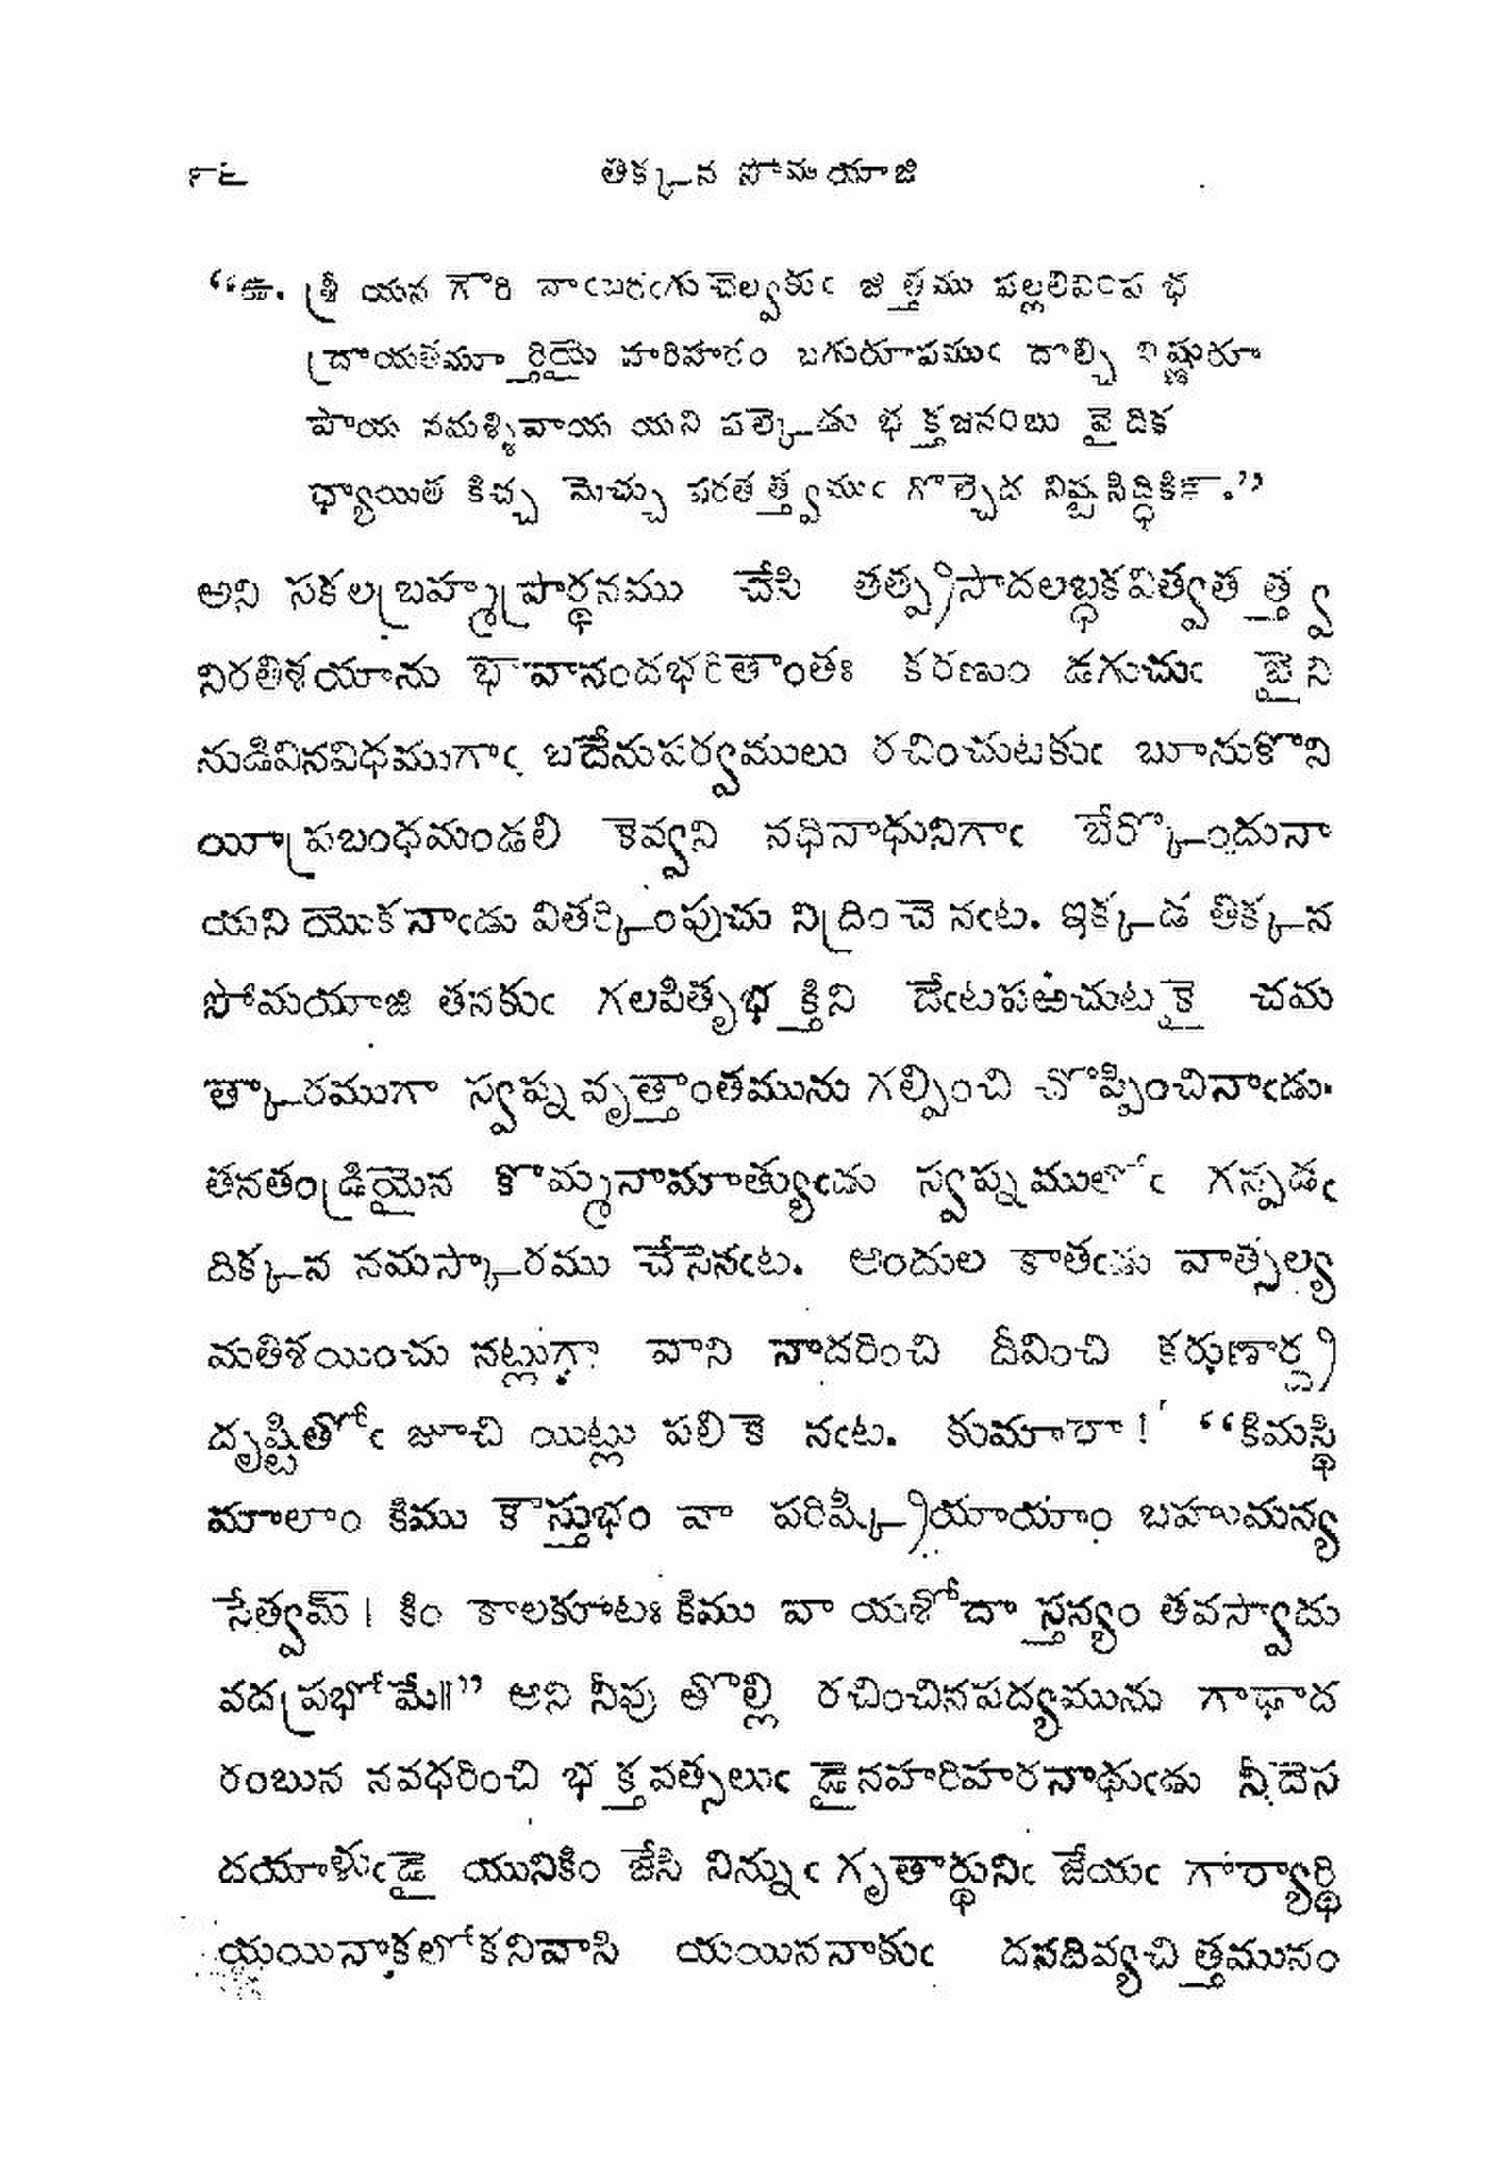"ఉ. శ్రీ యన గౌరి నాఁబరఁగుచెల్వకుఁ జిత్తము పల్లలివింప భ
 ద్రాయతమూర్తియై హరిహరం బగురూపముఁ దాల్చి విష్ణురూ 
 పాయ నమశ్శివాయ యని పల్కెడు భక్తజనంబు వైదిక
 ధ్యాయిత కిచ్చ మెచ్చు పరతత్త్వముఁ గొల్చెద నిష్టసిద్ధికి౯." 
అని సకలబ్రహ్మప్రార్థనము చేసి తత్ప్రసాదలబ్ధకవిత్వతత్త్వ నిరతిశయాను భావానందభరితాంతః కరణుం డగుచుఁ బైని నుడివినవిధముగాఁ బదేనుపర్వములు రచించుటకుఁ బూనుకొని యీప్రబంధమండలి కెవ్వని నధినాధునిగాఁ బేర్కొందునా యనియొకనాఁడు వితర్కింపుచు నిద్రించెనఁట. ఇక్కడ తిక్కనసోమయాజి తనకుఁ గలపితృభక్తిని దేఁటపఱచుటకై చమత్కారముగా స్వప్నవృత్తాంతమును గల్పించి చొప్పించినాఁడు. తనతండ్రియైన కొమ్మనామాత్యుడు స్వప్నములోఁ గన్పడఁ దిక్కన నమస్కారము చేసెనఁట. అందుల కాతఁడు వాత్సల్య మతిశయించు నట్లుగా వాని నాదరించి దీవించి కరుణార్ద్ర దృష్టితోఁ జూచి యిట్లు పలికె నఁట. కుమారా! "కిమస్థి మాలాం కిము కౌస్తుభం వా పరిష్క్రియాయాం బహుమన్య సేత్వమ్| కిం కాలకూటః కిము వా యశోదాస్తన్యం తవస్వాదు వదప్రభోమే!” అని నీవు తొల్లి రచించిన పద్యమును గాఢాదరంబున నవధరించి భక్తవత్సలుఁ డైనహరిహరనాథుఁడు నీదెస దయాళుఁడై యునికిం జేసి నిన్నుఁ గృతార్థునిఁ జేయఁ గార్యార్థి యయినాకలోకనివాసి యయిననాకుఁ దనదివ్యచిత్తమునం